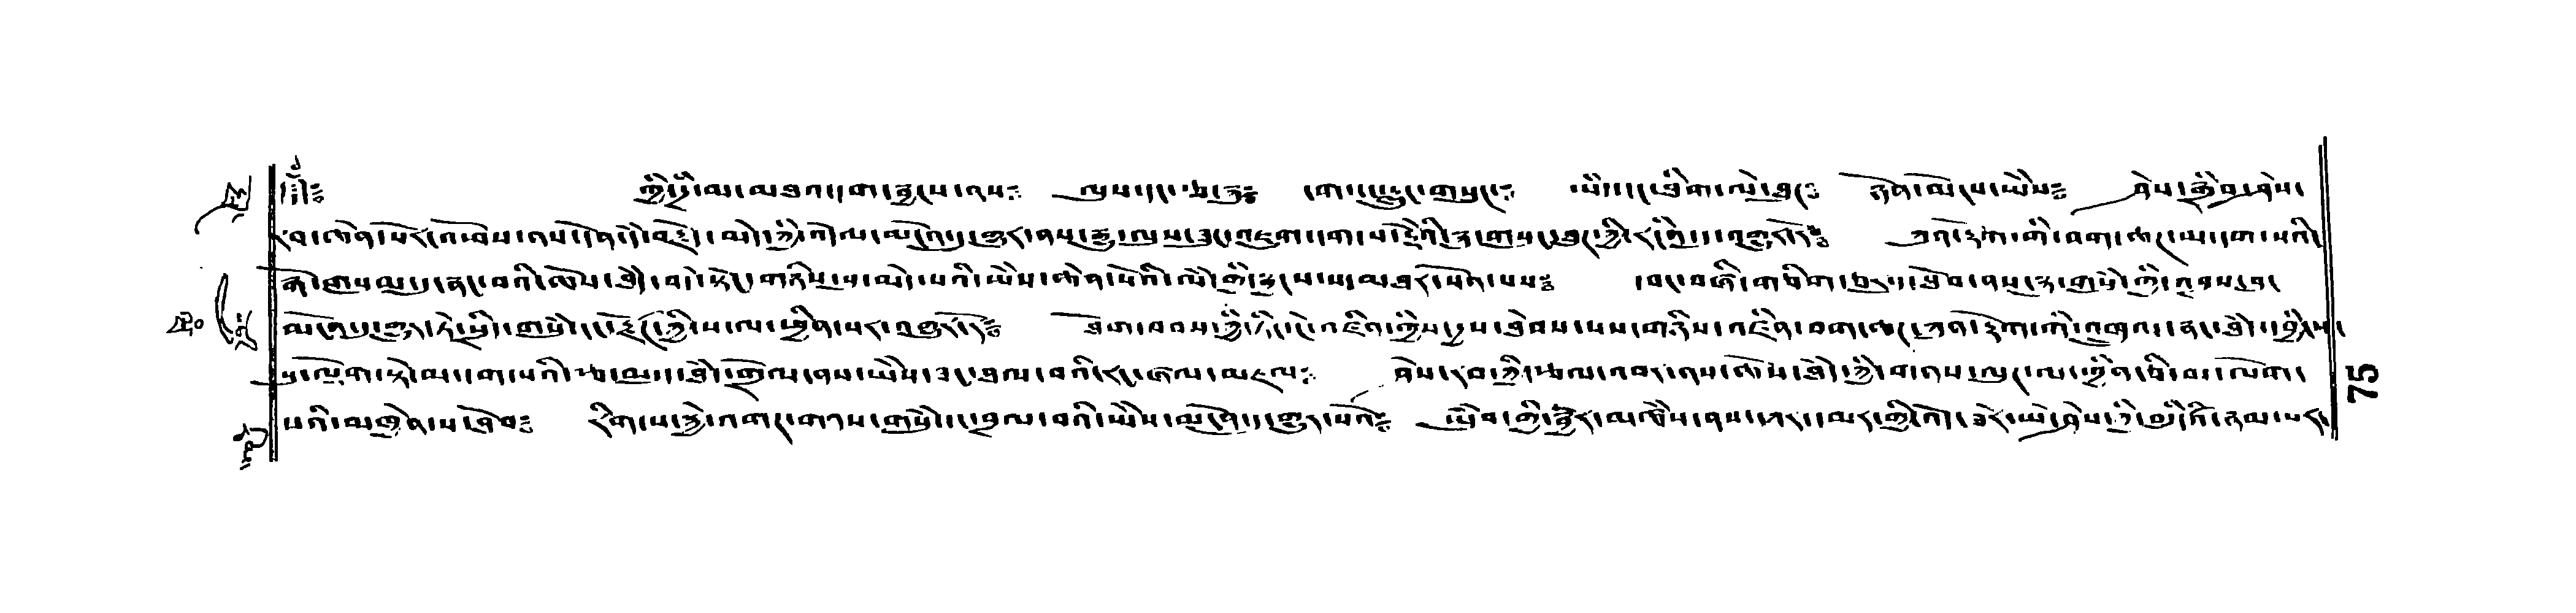གྱི་དྲི་མ་མཐའ་དག་སྦྱངས་ནས༔ ལུས་དག་རྩ་སྐུ༔ ངག་དང་རླུང་གསུང༔ ཡིད་དང་ཐིག་ལེ་ཐུགས༔ ཉོན་མོངས་ཡེ་ཤེས༔ ཤེས་སྒྲིབ་ཤེས་
རབ་ཆེན་པོར་འཕོས་ནས་དོན་དམ་བརྗོད་མེད་ཀྱི་འོད་གསལ་མངོན་དུ་གྱུར་ནས་རྒྱུ་ལུས་ཟུང་འཇུག་དག་པ་རྡོ་རྗེའི་སྐུ་གསུང་ཐུགས་ཀྱི་རང་བཞིན་དུ་འགྱུར་རོ༔ཀུན་རྟོག་གི་བག་ཆགས་མ་དག་པའི་
སྒོ་གསུམ་དུ་སྣང་བའི་ཆོས་ཐམས་ཅད་བདེ་སྟོང་གཉིས་སུ་མེད་པའི་ཡེ་ཤེས་ཆེན་པོའི་ལམ་གྱི་སྦྱངས་པ་མཐར་སོན་པས༔ དབང་བཞི་གཅིག་ཅར་དུ་ཐོབ་ནས་སྐུ་གསུམ་གྱི་འབྲས་བུ་
མངོན་དུ་གྱུར་ཏེ་སྲིད་གསུམ་ངང་རྫོགས་ཀྱི་ས་ལ་ཕྱིན་པར་འགྱུར་རོ༔ ཐོག་བབས་ཀྱི་ཏིང་ངེ་འཛིན་གྱིས་རྒྱས་ཐེབས་པས་གཉིས་འཛིན་བག་ཆགས་ཀུན་རྟོག་གིས་འཁྲུལ་སྣང་ཐམས་ཅད་དབྱིངས་
སུ་ལྡོག་སྟེ་མ་དག་པའི་རྩ་མདུད་ཐམས་ཅད་གྲོལ་ནས་ཡེ་ཤེས་ཟང་ཐལ་བའི་རང་ཞལ་མཇལ༔ ཤེས་རབ་ཀྱི་རྩལ་འབར་ནས་ཆོས་ཐམས་ཅད་ཀྱི་གནས་ལུགས་ལ་ཕྱིན་ཅི་མ་ལོག་
པའི་མཁྱེན་པ་ཐོབ༔ རིག་པ་སྐྱེ་འགག་གནས་གསུམ་དང་བྲལ་བའི་ཡེ་ཤེས་མངོན་དུ་གྱུར་པའོ༔ ཡབ་ཡུམ་གྱིས་སྦྱོར་མཚམས་ནས་དཀར་དམར་གྱི་འོད་ཟེར་ཡེ་ཤེས་ཀྱི་བདུད་རྩིའི་རྣམ་པར་